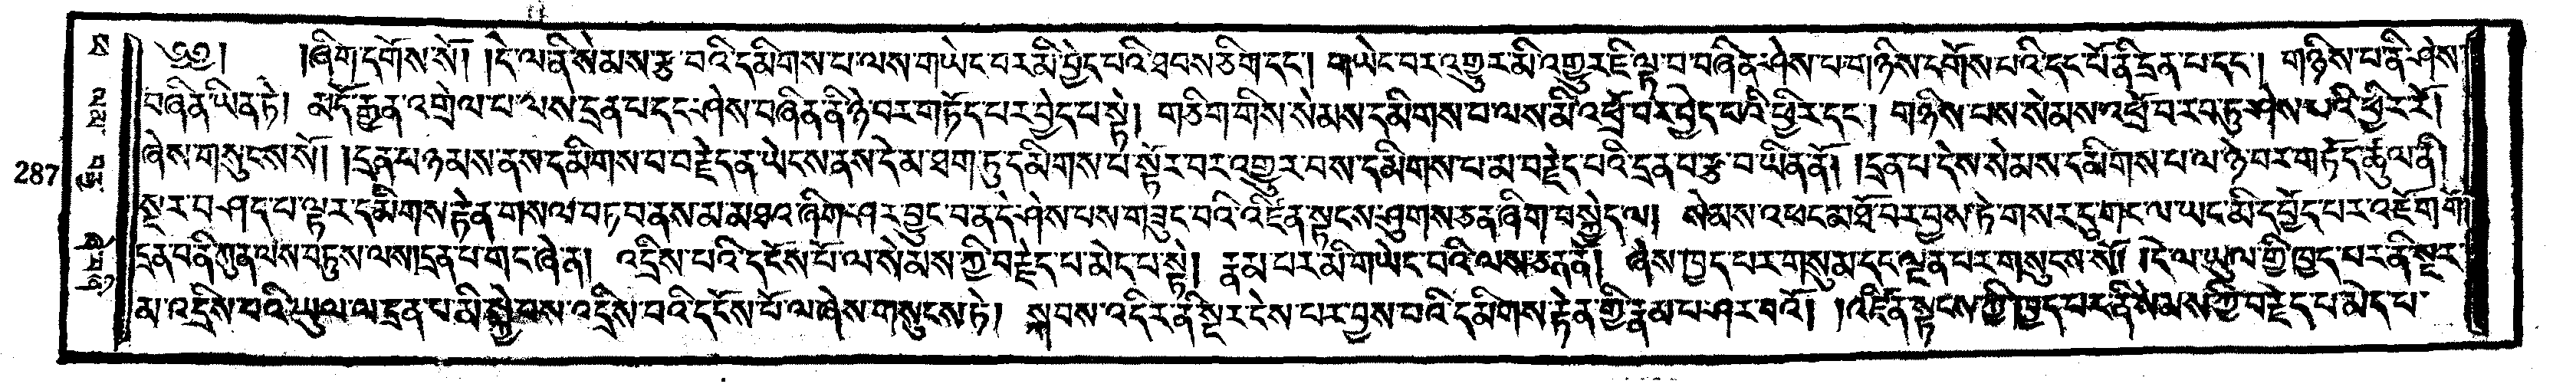༄༅། །ཞིག་དགོས་སོ། །དེ་ལ་ནི་སེམས་རྩ་བའི་དམིགས་པ་ལས་གཡེང་བར་མི་བྱེད་པའི་ཐབས་ཅིག་དང་། གཡེང་བར་འགྱུར་མི་འགྱུར་ཇི་ལྟ་བ་བཞིན་ཤེས་པ་གཉིས་དགོས་པའི་དང་པོ་ནི་དྲན་པ་དང་། གཉིས་པ་ནི་ཤེས་
བཞིན་ཡིན་ཏེ། མདོ་རྒྱན་འགྲེལ་པ་ལས་དྲན་པ་དང་ཤེས་བཞིན་ནི་ཉེ་བར་གཏོད་པར་བྱེད་པ་སྟེ། གཅིག་གིས་སེམས་དམིགས་པ་ལས་མི་འཕྲོ་བར་བྱེད་པའི་ཕྱིར་དང་། གཉིས་པས་སེམས་འཕྲོ་བ་རབ་ཏུ་ཤེས་པའི་ཕྱིར་རོ།
ཞེས་གསུངས་སོ། །དྲན་པ་ཉམས་ནས་དམིགས་པ་བརྗེད་ན་ཡེངས་ནས་དེ་མ་ཐག་ཏུ་དམིགས་པ་སྟོར་བར་འགྱུར་བས་དམིགས་པ་མ་བརྗེད་པའི་དྲན་པ་རྩ་བ་ཡིན་ནོ། །དྲན་པ་དེས་སེམས་དམིགས་པ་ལ་ཉེ་བར་གཏོད་ཚུལ་ནི།
སྔར་བཤད་པ་ལྟར་དམིགས་རྟེན་གསལ་བཏབ་ནས་མ་མཐའ་ཞིག་ཤར་བྱུང་བ་ན་དེ་ཤེས་པས་གཟུང་བའི་འཛིན་སྟངས་ཤུགས་ཅན་ཞིག་བསྐྱེད་ལ། སེམས་འཕང་མཐོ་བར་བྱས་ཏེ་གསར་དུ་གང་ལ་ཡང་མི་དཔྱོད་པར་འཇོག་གོ།
དྲན་པ་ནི་ཀུན་ལས་བཏུས་ལས། དྲན་པ་གང་ཞེ་ན། འདྲིས་པའི་དངོས་པོ་ལ་སེམས་ཀྱི་བརྗེད་པ་མེད་པ་སྟེ། རྣམ་པར་མི་གཡེང་བའི་ལས་ཅན་ནོ། ཞེས་ཁྱད་པར་གསུམ་དང་ལྡན་པར་གསུངས་སོ། །དེ་ལ་ཡུལ་གྱི་ཁྱད་པར་ནི་སྔར་
མ་འདྲིས་པའི་ཡུལ་ལ་དྲན་པ་མི་སྐྱེབས་འདྲིས་པའི་དངོས་པོ་ལ་ཞེས་གསུངས་ཏེ། སྐབས་འདིར་ནི་སྔར་ངེས་པར་བྱས་པའི་དམིགས་རྟེན་གྱི་རྣམ་པ་ཤར་བའོ། །འཛིན་སྟངས་ཀྱི་ཁྱད་པར་ནི་སེམས་ཀྱི་བརྗེད་པ་མེད་པ་